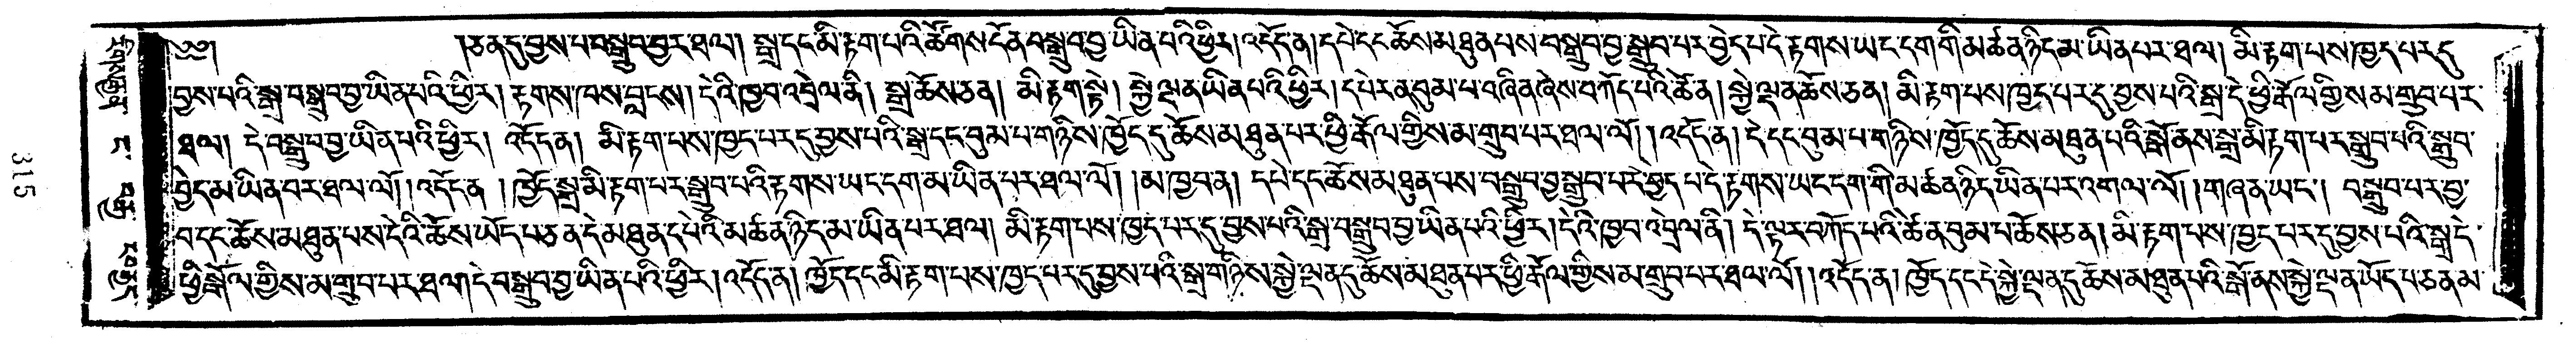༄༅། །ཅན་དུ་བྱས་པ་བསྒྲུབ་བྱར་ཐལ། སྒྲ་དང་མི་རྟག་པའི་ཚོགས་དོན་བསྒྲུབ་བྱ་ཡིན་པའི་ཕྱིར། འདོད་ན། དཔེ་དང་ཆོས་མཐུན་པས་བསྒྲུབ་བྱ་སྒྲུབ་པར་བྱེད་པ་དེ་རྟགས་ཡང་དག་གི་མཚན་ཉིད་མ་ཡིན་པར་ཐལ། མི་རྟག་པས་ཁྱད་པར་དུ་
བྱས་པའི་སྒྲ་བསྒྲུབ་བྱ་ཡིན་པའི་ཕྱིར། རྟགས་ཁས་བླངས། དེའི་ཁྱབ་འབྲེལ་ནི། སྒྲ་ཆོས་ཅན། མི་རྟག་སྟེ། སྐྱེ་ལྡན་ཡིན་པའི་ཕྱིར། དཔེར་ན་བུམ་པ་བཞིན་ཞེས་བཀོད་པའི་ཚེ་ན། སྐྱེ་ལྡན་ཆོས་ཅན། མི་རྟག་པས་ཁྱད་པར་དུ་བྱས་པའི་སྒྲ་དེ་ཕྱི་རྒོལ་གྱིས་མ་གྲུབ་པར་
ཐལ༑ དེ་བསྒྲུབ་བྱ་ཡིན་པའི་ཕྱིར། འདོད་ན། མི་རྟག་པས་ཁྱད་པར་དུ་བྱས་པའི་སྒྲ་དང་བུམ་པ་གཉིས་ཁྱོད་དུ་ཆོས་མཐུན་པར་ཕྱི་རྒོལ་གྱིས་མ་གྲུབ་པར་ཐལ་ལོ། །འདོད་ན། དེ་དང་བུམ་པ་གཉིས་ཁྱོད་དུ་ཆོས་མཐུན་པའི་སྒོ་ནས་སྒྲ་མི་རྟག་པར་སྒྲུབ་པའི་སྒྲུབ་
བྱེད་མ་ཡིན་པར་ཐལ་ལོ། །འདོད་ན་།ཁྱོད་སྒྲ་མི་རྟག་པར་སྒྲུབ་པའི་རྟགས་ཡང་དག་མ་ཡིན་པར་ཐལ་ལོ། །མ་ཁྱབ་ན། དཔེ་དང་ཆོས་མཐུན་པས་བསྒྲུབ་བྱ་སྒྲུབ་པར་བྱེད་པ་དེ་རྟགས་ཡང་དག་གི་མཚན་ཉིད་ཡིན་པར་འགལ་ལོ། །གཞན་ཡང་། བསྒྲུབ་པར་བྱ་
བ་དང་ཆོས་མཐུན་པས་དེའི་ཆོས་ཡོད་པ་ཅན་དེ་མཐུན་དཔེའི་མཚན་ཉིད་མ་ཡིན་པར་ཐལ། མི་རྟག་པས་ཁྱད་པར་དུ་བྱས་པའི་སྒྲ་བསྒྲུབ་བྱ་ཡིན་པའི་ཕྱིར། དེའི་ཁྱབ་འབྲེལ་ནི། དེ་ལྟར་བཀོད་པའི་ཚེ་ན་བུམ་པ་ཆོས་ཅན། མི་རྟག་པས་ཁྱད་པར་དུ་བྱས་པའི་སྒྲ་དེ་
ཕྱི་རྒོལ་གྱིས་མ་གྲུབ་པར་ཐལ། དེ་བསྒྲུབ་བྱ་ཡིན་པའི་ཕྱིར། འདོད་ན། ཁྱོད་དང་མི་རྟག་པས་ཁྱད་པར་དུ་བྱས་པའི་སྒྲ་གཉིས་སྐྱེ་ལྡན་དུ་ཆོས་མཐུན་པར་ཕྱི་རྒོལ་གྱིས་མ་གྲུབ་པར་ཐལ་ལོ། །འདོད་ན། ཁྱོད་དང་དེ་སྐྱེ་ལྡན་དུ་ཆོས་མཐུན་པའི་སྒོ་ནས་སྐྱེ་ལྡན་ཡོད་པ་ཅན་མ་